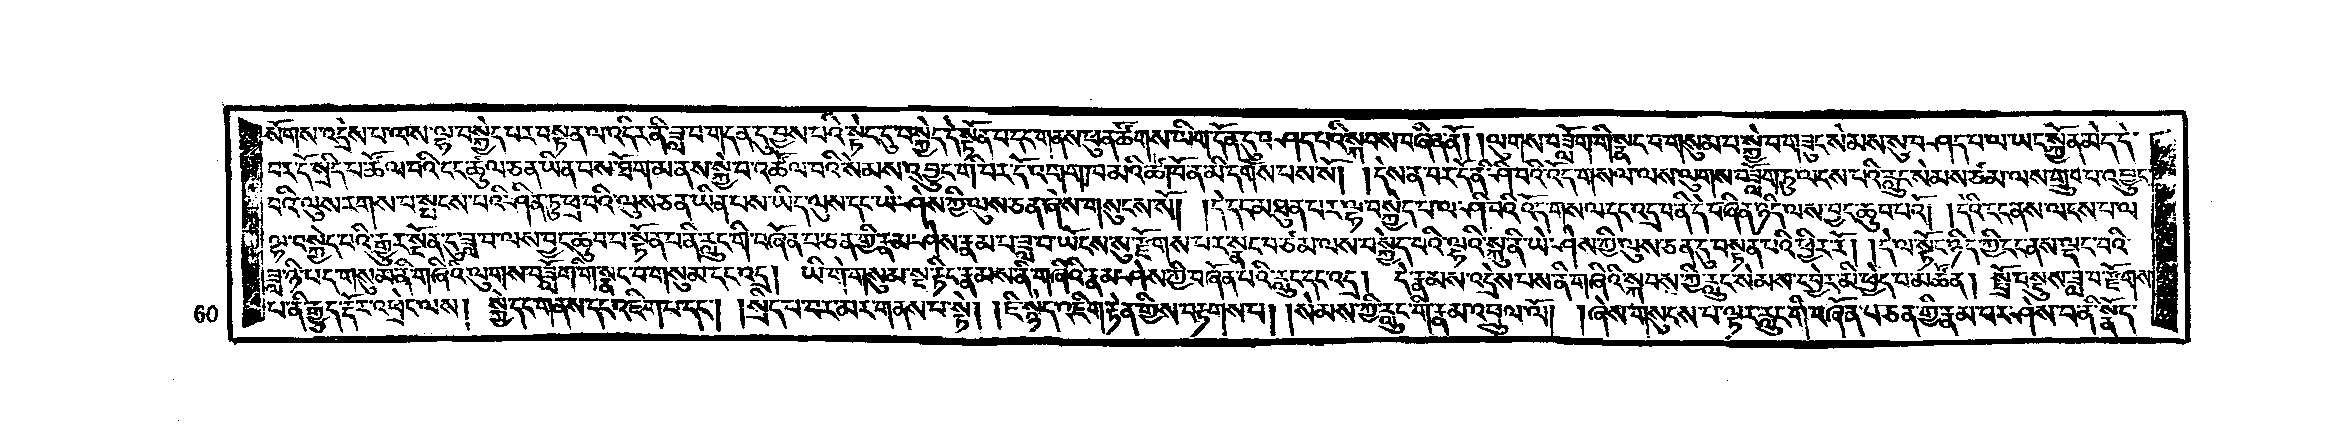སོགས་འདྲེས་པ་ལས་ལྷ་བསྐྱེད་པར་བསྟན་ལ་འདིར་ནི་ཟླ་བ་གདན་དུ་བྱས་པའི་སྟེང་དུ་བསྐྱེད་དེ་སྟོན་པ་དང་གནས་ཕུན་ཚོགས་ཡིག་དོན་དུ་བཤད་པའི་སྐབས་བཞིན་ནོ། །ལུགས་བཟློག་གི་སྣང་བ་གསུམ་པ་སྐྱེ་བ་གཟུང་སེམས་སུ་བཤད་པ་ལ་ཡང་སྐྱོན་མེད་དེ་
བར་དོ་སྲིད་པ་ཚོལ་བའི་ངང་ཚུལ་ཅན་ཡིན་པས་ཐོག་མ་ནས་སྐྱེ་བ་འཚོལ་བའི་སེམས་འབྱུང་གི་བར་དོ་འགག་ཁ་མའི་ཚེ་ཁོ་ན་མི་དགོས་པས་སོ། །དེས་ན་བར་དོ་ནི་ཤི་བའི་འོད་གསལ་ལས་ལུགས་བཟློག་ཏུ་ལངས་པའི་རླུང་སེམས་ཙམ་ལས་གྲུབ་པ་འབྱུང་
བའི་ལུས་རགས་པ་སྤངས་པའི་ཤིན་ཏུ་ཕྲ་བའི་ལུས་ཅན་ཡིན་པས་ཡིད་ལུས་དང་ཡེ་ཤེས་ཀྱི་ལུས་ཅན་ཞེས་གསུངས་སོ། །དེ་དང་མཐུན་པར་ལྷ་བསྐྱེད་པ་ལ་ཤི་བའི་འོད་གསལ་དང་འདྲ་བ་ནི་དེ་བཞིན་ཉིད་ལས་བྱང་ཆུབ་པའོ། །དེའི་ངང་ནས་ལངས་པ་ལ་
ལྷ་བསྐྱེད་པའི་རྒྱུར་སྔོན་དུ་ཟླ་བ་ལས་བྱང་ཆུབ་པ་སྟོན་པ་ནི་རླུང་གི་བཞོན་པ་ཅན་གྱི་རྣམ་ཤེས་རྣམ་པ་ཟླ་བ་ཡོངས་སུ་རྫོགས་པར་སྣང་བ་ཙམ་ལས་བསྐྱེད་པའི་ལྷའི་སྐུ་ནི་ཡེ་ཤེས་ཀྱི་ལུས་ཅན་དུ་བསྟན་པའི་ཕྱིར་རོ། །དེ་ལ་སྟོང་ཉིད་ཀྱི་ངང་ནས་ལྡང་བའི་
ཟླ་ཉི་པད་གསུམ་ནི་གཞིའི་ལུགས་བཟློག་གི་སྣང་བ་གསུམ་དང་འདྲ། ཡི་གེ་གསུམ་སྔ་རྟིང་རྣམས་ནི་གཞིའི་རྣམ་ཤེས་ཀྱི་བཞོན་པའི་རླུང་དང་འདྲ། དེ་རྣམས་འདྲེས་པས་ནི་གཞིའི་སྐབས་ཀྱི་རླུང་སེམས་དབྱེར་མི་ཕྱེད་པ་མཚོན། སྤྲོ་བསྡུས་ཟླ་བ་རྫོགས་
པ་ནི་རྒྱུད་རྡོར་འཕྲེང་ལས། སྐྱེ་དང་གནས་དང་འཇིག་པ་དང་། །སྲིད་པ་བར་མར་གནས་པ་སྟེ། །ཇི་སྙེད་འཇིག་རྟེན་གྱིས་བརྟགས་པ། །སེམས་ཀྱི་རླུང་གི་རྣམ་འཕྲུལ་ལོ། །ཞེས་གསུངས་པ་ལྟར་རླུང་གི་བཞོན་པ་ཅན་གྱི་རྣམ་པར་ཤེས་པ་ནི་སྣོད་